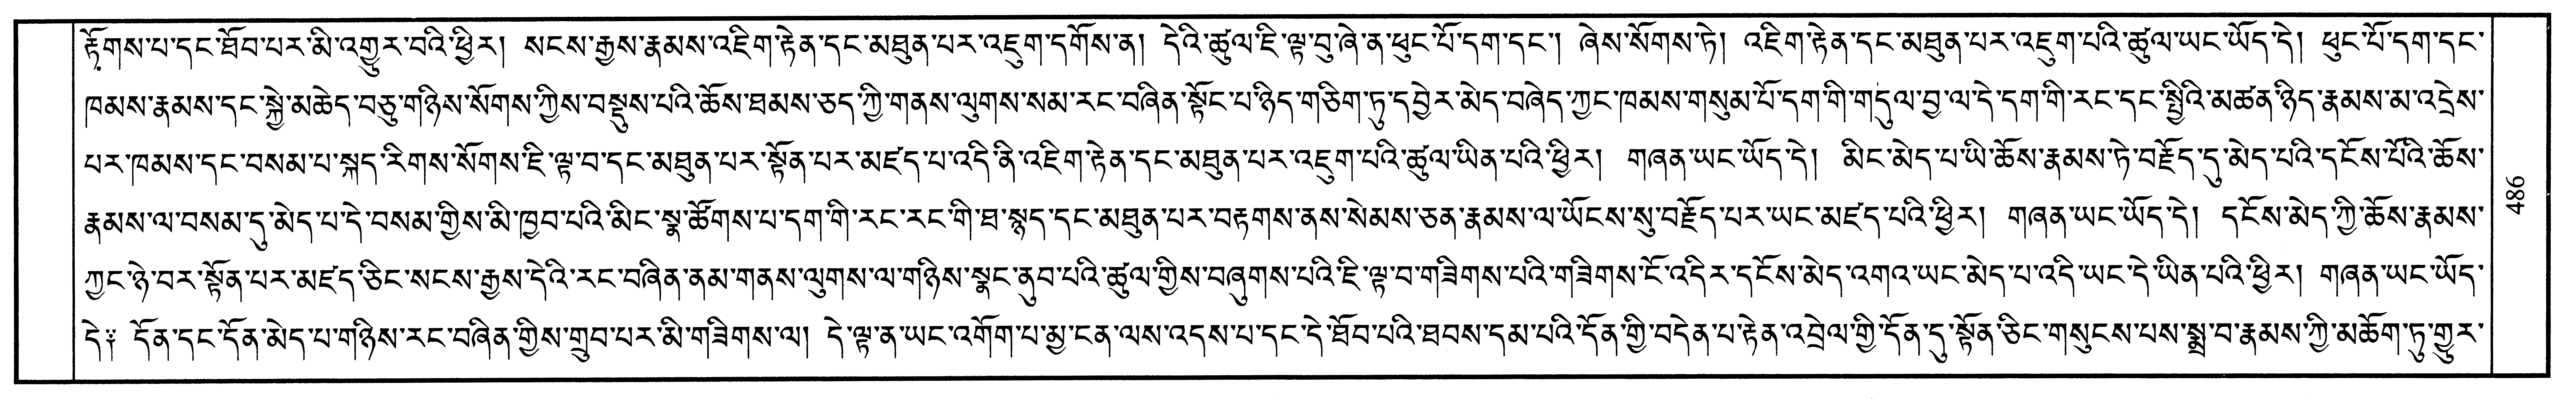རྟོགས་པ་དང་ཐོབ་པར་མི་འགྱུར་བའི་ཕྱིར། སངས་རྒྱས་རྣམས་འཇིག་རྟེན་དང་མཐུན་པར་འཇུག་དགོས་ན། དེའི་ཚུལ་ཇི་ལྟ་བུ་ཞེ་ན་ཕུང་པོ་དག་དང་། ཞེས་སོགས་ཏེ། འཇིག་རྟེན་དང་མཐུན་པར་འཇུག་པའི་ཚུལ་ཡང་ཡོད་དེ། ཕུང་པོ་དག་དང་
ཁམས་རྣམས་དང་སྐྱེ་མཆེད་བཅུ་གཉིས་སོགས་ཀྱིས་བསྡུས་པའི་ཆོས་ཐམས་ཅད་ཀྱི་གནས་ལུགས་སམ་རང་བཞིན་སྟོང་པ་ཉིད་གཅིག་ཏུ་དབྱེར་མེད་བཞེད་ཀྱང་ཁམས་གསུམ་པོ་དག་གི་གདུལ་བྱ་ལ་དེ་དག་གི་རང་དང་སྤྱིའི་མཚན་ཉིད་རྣམས་མ་འདྲེས་
པར་ཁམས་དང་བསམ་པ་སྐད་རིགས་སོགས་ཇི་ལྟ་བ་དང་མཐུན་པར་སྟོན་པར་མཛད་པ་འདི་ནི་འཇིག་རྟེན་དང་མཐུན་པར་འཇུག་པའི་ཚུལ་ཡིན་པའི་ཕྱིར། གཞན་ཡང་ཡོད་དེ། མིང་མེད་པ་ཡི་ཆོས་རྣམས་ཏེ་བརྗོད་དུ་མེད་པའི་དངོས་པོའི་ཆོས་
རྣམས་ལ་བསམ་དུ་མེད་པ་དེ་བསམ་གྱིས་མི་ཁྱབ་པའི་མིང་སྣ་ཚོགས་པ་དག་གི་རང་རང་གི་ཐ་སྙད་དང་མཐུན་པར་བརྟགས་ནས་སེམས་ཅན་རྣམས་ལ་ཡོངས་སུ་བརྗོད་པར་ཡང་མཛད་པའི་ཕྱིར། གཞན་ཡང་ཡོད་དེ། དངོས་མེད་ཀྱི་ཆོས་རྣམས་
ཀྱང་ཉེ་བར་སྟོན་པར་མཛད་ཅིང་སངས་རྒྱས་དེའི་རང་བཞིན་ནམ་གནས་ལུགས་ལ་གཉིས་སྣང་ནུབ་པའི་ཚུལ་གྱིས་བཞུགས་པའི་ཇི་ལྟ་བ་གཟིགས་པའི་གཟིགས་ངོ་འདིར་དངོས་མེད་འགའ་ཡང་མེད་པ་འདི་ཡང་དེ་ཡིན་པའི་ཕྱིར། གཞན་ཡང་ཡོད་
དེ༑ དོན་དང་དོན་མེད་པ་གཉིས་རང་བཞིན་གྱིས་གྲུབ་པར་མི་གཟིགས་ལ། དེ་ལྟ་ན་ཡང་འགོག་པ་མྱ་ངན་ལས་འདས་པ་དང་དེ་ཐོབ་པའི་ཐབས་དམ་པའི་དོན་གྱི་བདེན་པ་རྟེན་འབྲེལ་གྱི་དོན་དུ་སྟོན་ཅིང་གསུངས་པས་སྨྲ་བ་རྣམས་ཀྱི་མཆོག་ཏུ་གྱུར་